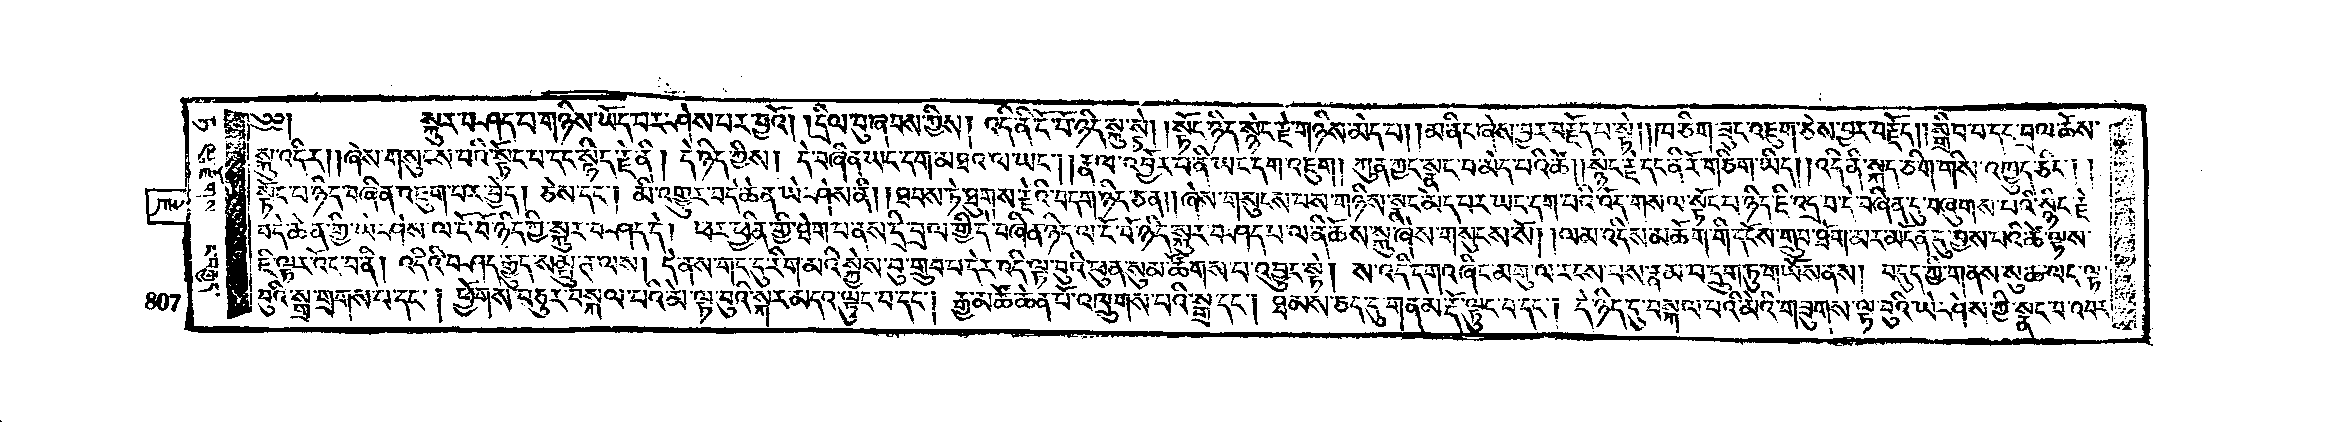༄༅། །སྐུར་བཤད་པ་གཉིས་ཡོད་པར་ཤེས་པར་བྱའོ། །དྲིལ་བུ་ཞབས་ཀྱིས། འདི་ནི་ངོ་བོ་ཉིད་སྐུ་སྟེ། །སྟོང་ཉིད་སྙིང་རྗེ་གཉིས་མེད་པ། །མ་ནིང་ཞེས་བྱར་བརྗོད་པ་སྟེ། །ཁ་ཅིག་ཟུང་འཇུག་ཅས་བྱར་བརྗོད། །སྒྲིབ་པ་དང་བྲལ་ཆོས་
སྐུ་འདིར། །ཞེས་གསུངས་པའི་སྟོང་པ་དང་སྙིང་རྗེ་ནི། དེ་ཉིད་ཀྱིས། དེ་བཞིན་ཡང་དག་མཐའ་ལ་ཡང་། །རྣལ་འབྱོར་པ་ནི་ཡང་དག་འཇུག །ཀུན་ཀྱང་སྣང་བ་མེད་པའི་ཚེ། །སྙིང་རྗེ་དང་ནི་རོ་གཅིག་ཡིད། །འདི་ནི་སྐད་ཅིག་གིས་འཁྱུད་ཅིང་། །
སྟོང་པ་ཉིད་བཞིན་འཇུག་པར་བྱེད། ཅེས་དང་། མི་འགྱུར་བདེ་ཆེན་ཡེ་ཤེས་ནི། །ཐབས་ཏེ་ཐུགས་རྗེའི་བདག་ཉིད་ཅན། །ཞེས་གསུངས་པས་གཉིས་སྣང་མེད་པར་ཡང་དག་པའི་འོད་གསལ་སྟོང་པ་ཉིད་ཇི་འདྲ་བ་དེ་བཞིན་དུ་བཞུགས་པའི་སྙིང་རྗེ་
བདེ་ཆེན་གྱི་ཡེ་ཤེས་ལ་ངོ་བོ་ཉིད་ཀྱི་སྐུར་བཤད་དེ། ཕར་ཕྱིན་གྱི་ཐེག་པ་ནས་དྲི་བྲལ་གྱི་དེ་བཞིན་ཉིད་ལ་ངོ་བོ་ཉིད་སྐུར་བཤད་པ་ལ་ནི་ཆོས་སྐུ་ཞེས་གསུངས་སོ། །ལམ་འདིས་མཆོག་གི་དངོས་གྲུབ་ཐོག་མར་མངོན་དུ་བྱས་པའི་ཚེ་ལྟས་
ཇི་ལྟར་འོང་བ་ནི། འདིའི་བཤད་རྒྱུད་སམྦུ་ཊ་ལས། དེ་ནས་གང་དུ་རིག་མའི་སྐྱེས་བུ་གྲུབ་པ་དེར་འདི་ལྟ་བུའི་ཕུན་སུམ་ཚོགས་པ་འབྱུང་སྟེ། ས་འདི་དགའ་ཞིང་མགུ་ལ་རངས་པས་རྣམ་པ་དྲུག་ཏུ་གཡོས་ནས། བདུད་ཀྱི་གནས་སུ་ཆ་ལང་ལྟ་
བུའི་སྒྲ་གྲགས་པ་དང་། ཕྱོགས་བཅུར་བསྐལ་པའི་མེ་ལྟ་བུའི་སྐར་མདའ་ལྟུང་བ་དང་། རྒྱ་མཚོ་ཆེན་པོ་འཁྲུགས་པའི་སྒྲ་དང་། ཐམས་ཅད་དུ་གནམ་རྡོ་ལྟུང་བ་དང་། དེ་ཉིད་དུ་བསྐལ་པའི་མེའི་གཟུགས་ལྟ་བུའི་ཡེ་ཤེས་ཀྱི་སྣང་བ་འབར་